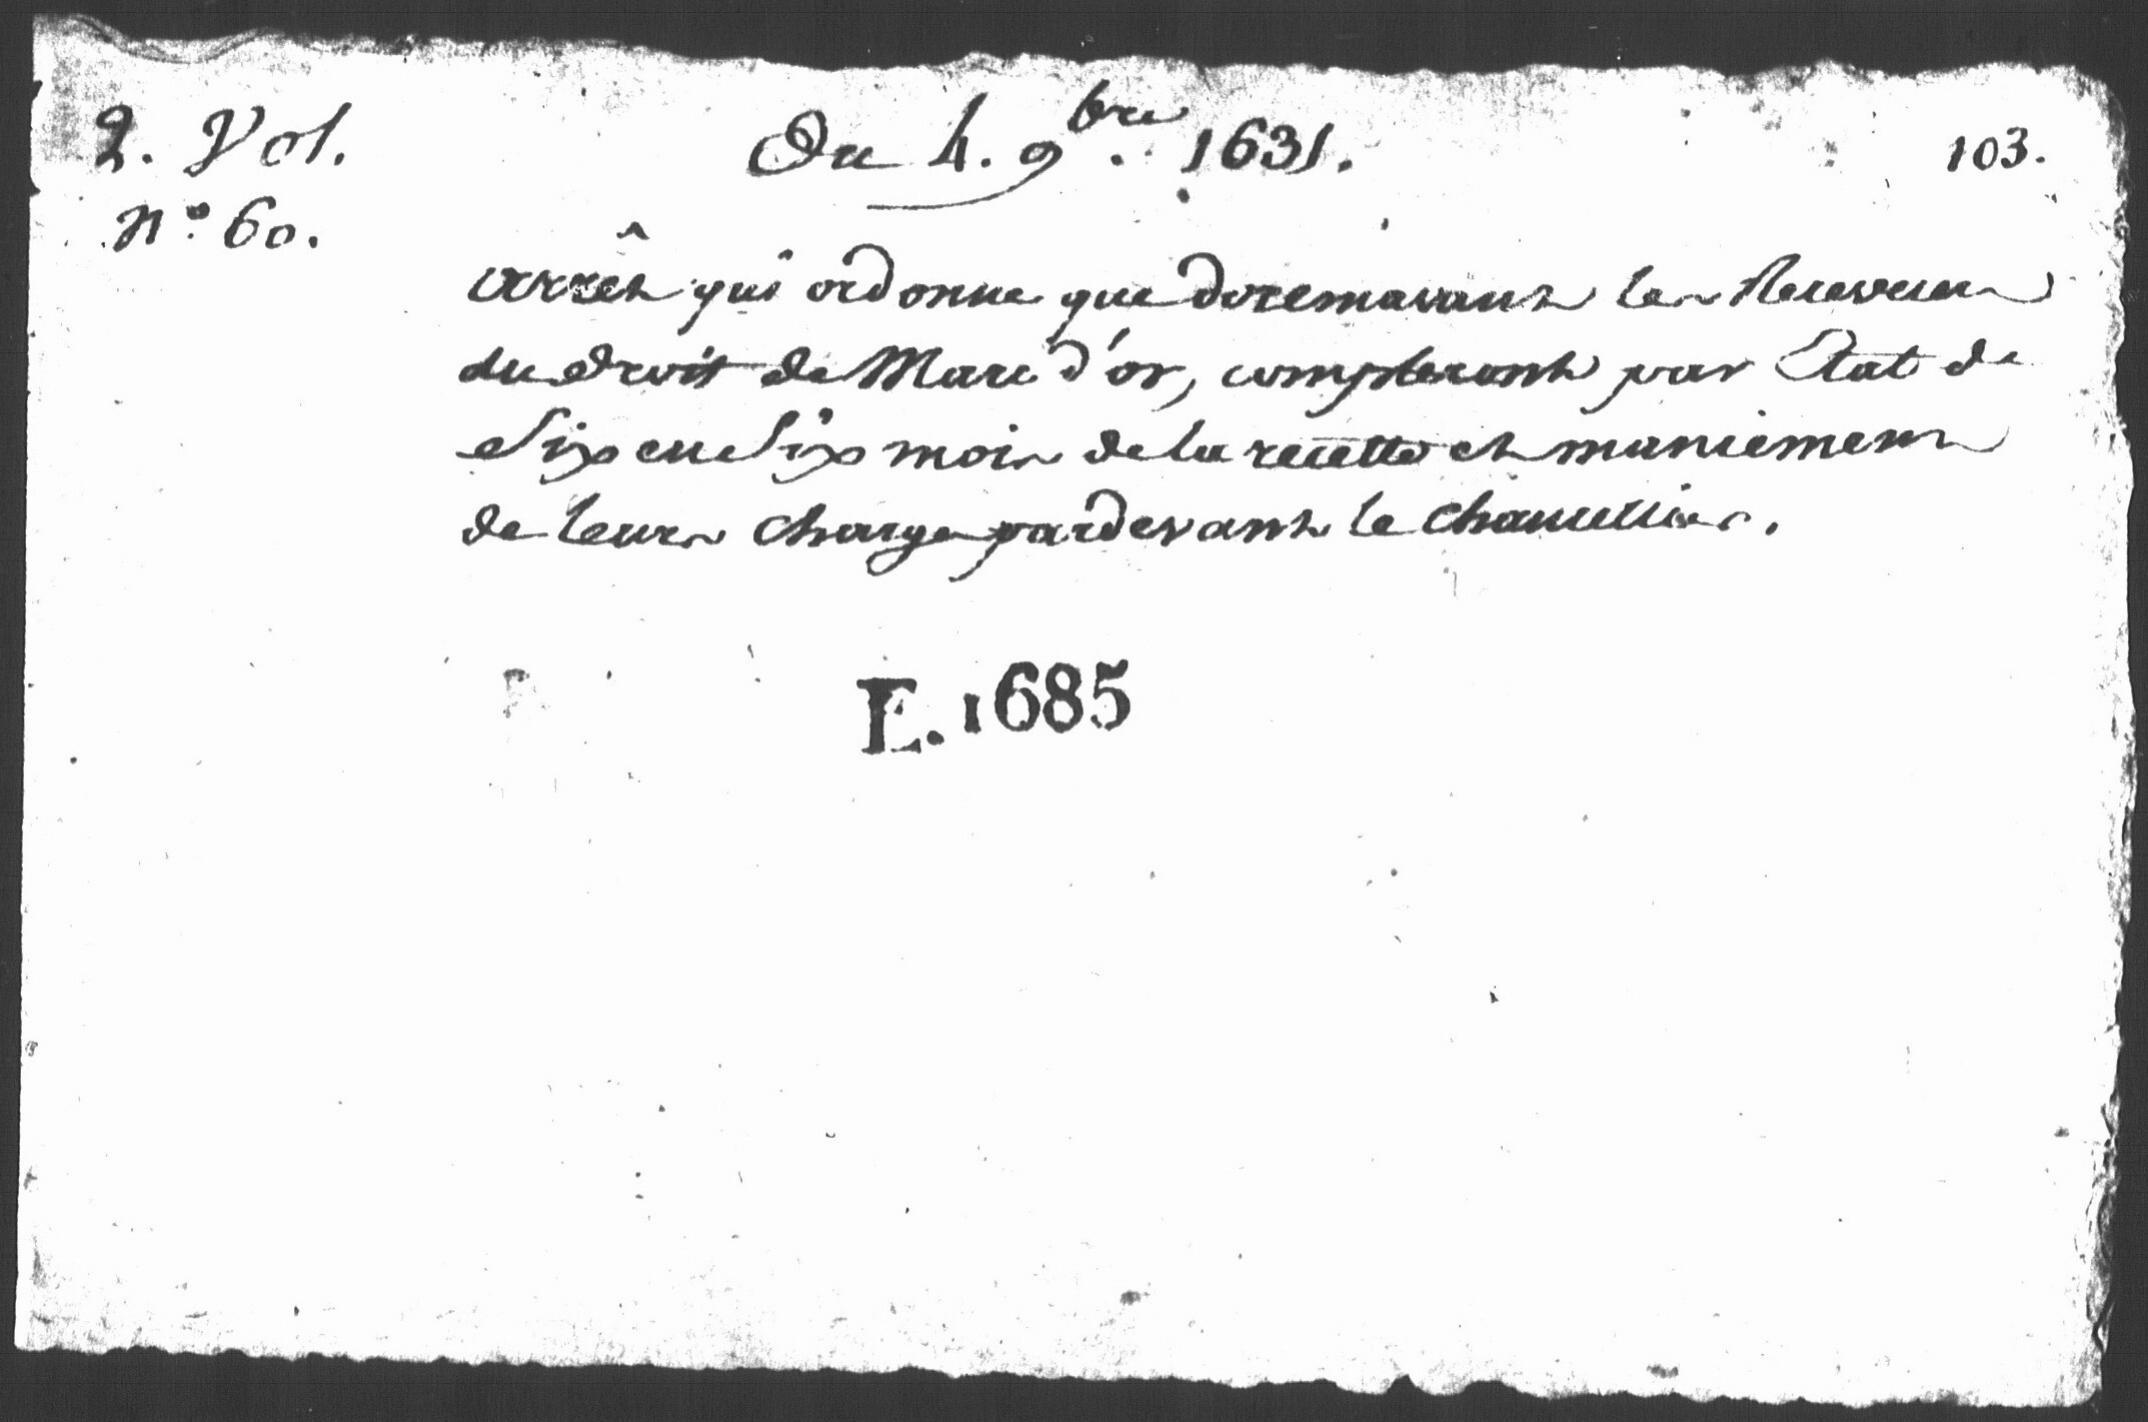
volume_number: n°60
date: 4 novembre 1631
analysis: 103
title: Arrêt qui ordonne que doresnavant les receveurs du droit de marc d'or, compteront par Etat de six en six mois de la recette et maniement de leurs charges par devant le chancellier.
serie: E
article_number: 1685
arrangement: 2. vol.
